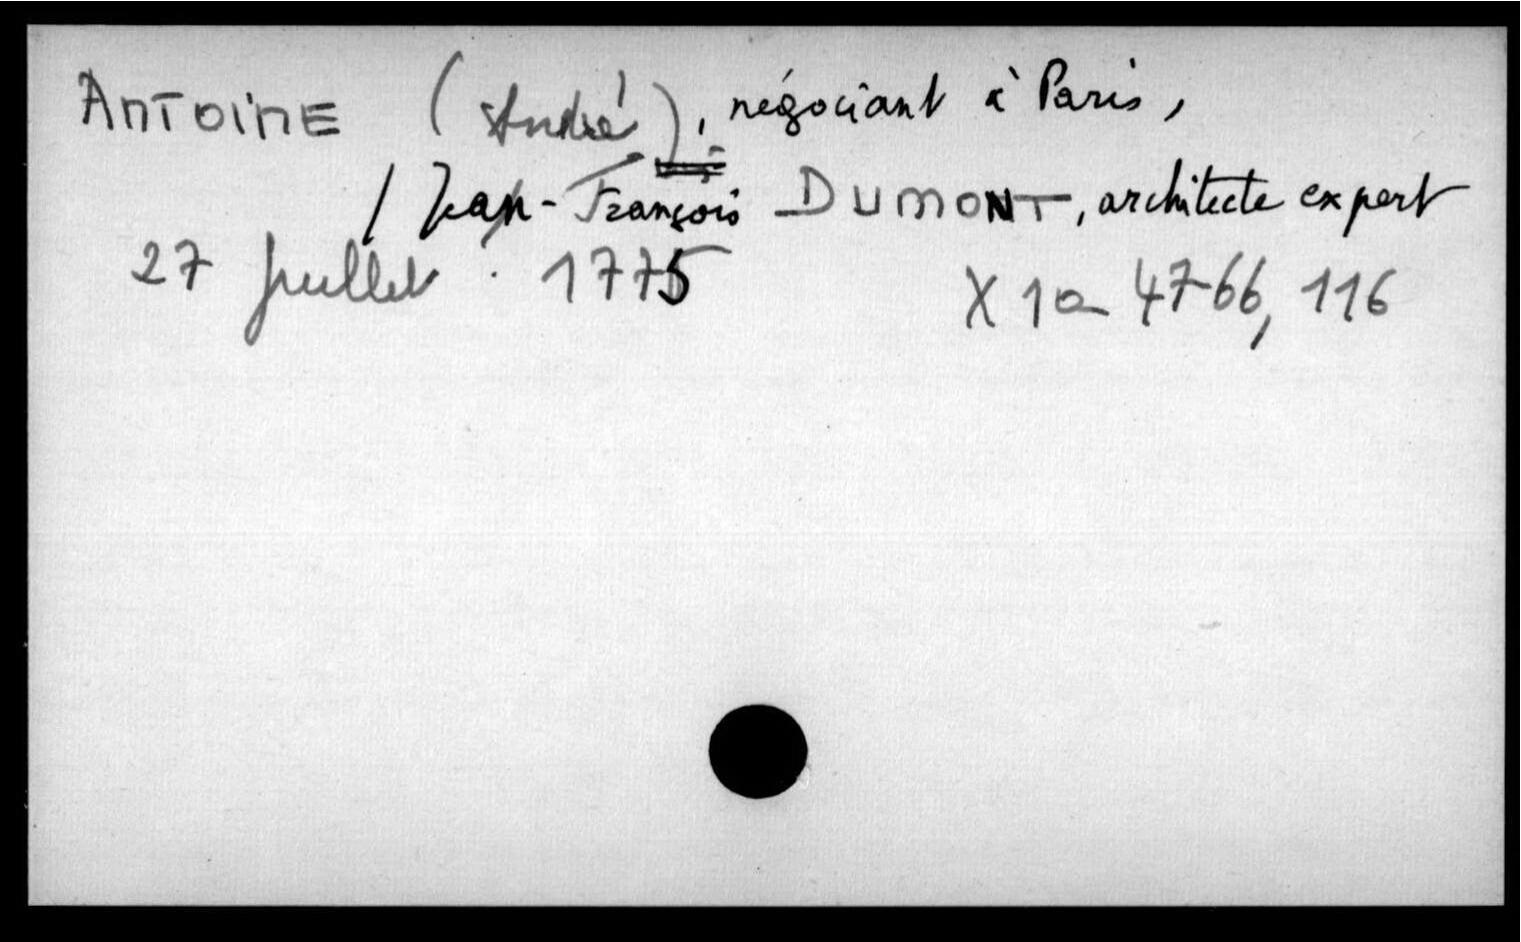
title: ANTOINE (André), négociant à Paris
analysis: Contre Jean-François Dumont, architecte expert
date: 27 juillet 1775
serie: X1a
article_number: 4766
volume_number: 116
